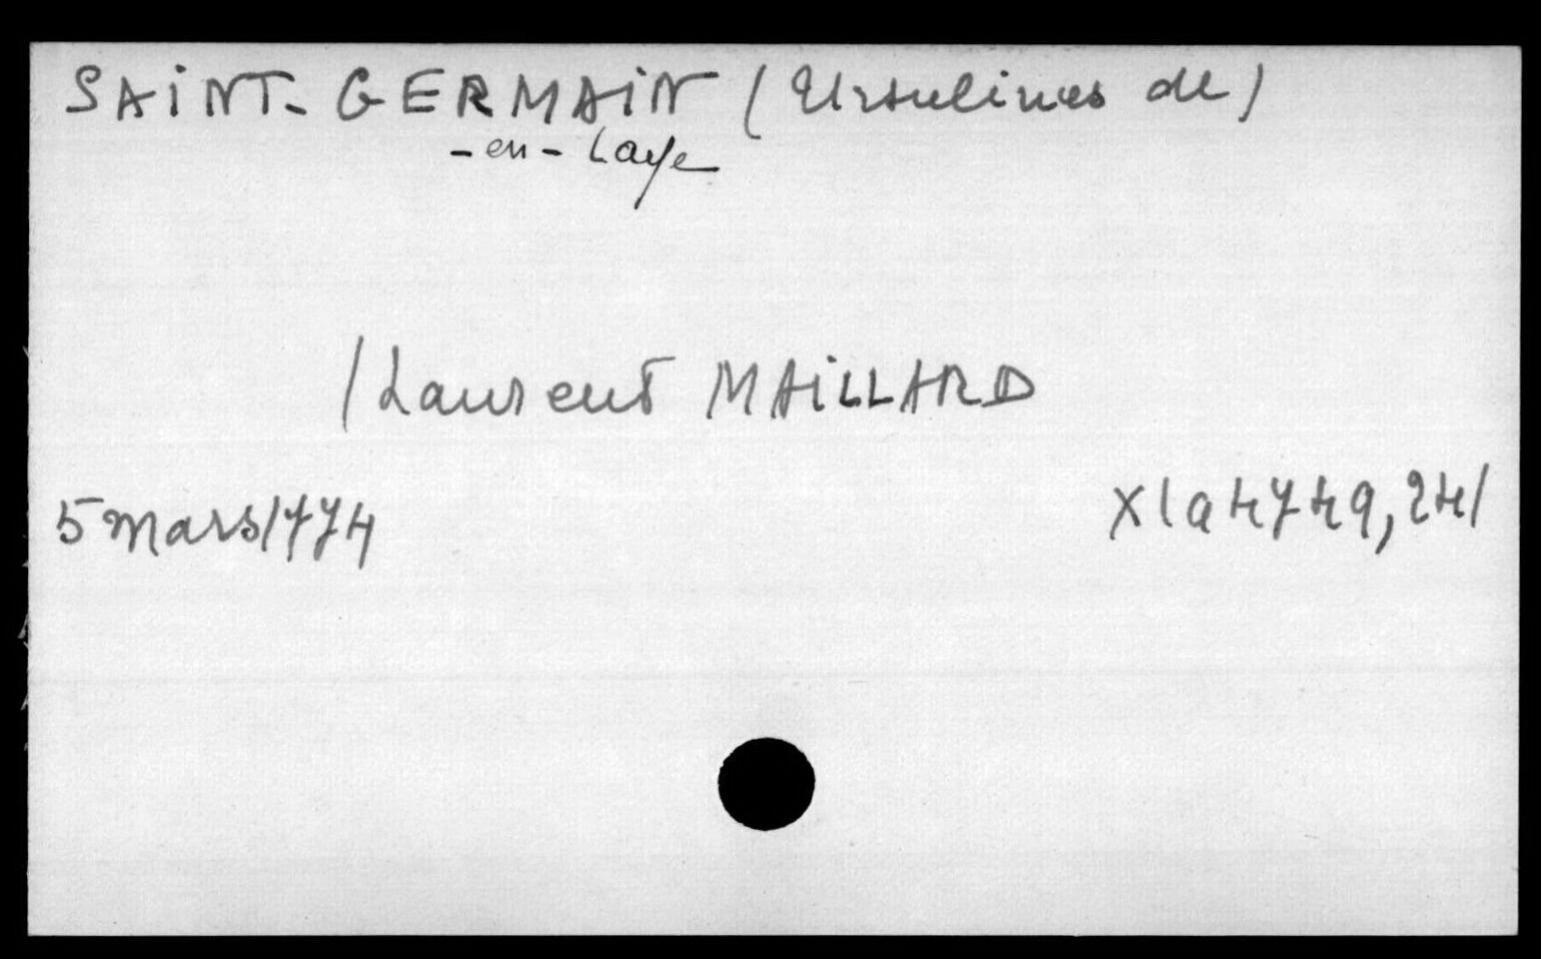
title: SAINT-GERMAIN-en-Laye (Ursulines de)
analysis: Contre Laurent MAILLARD
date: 5 mars 1774
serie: X1a
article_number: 4749
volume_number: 241
